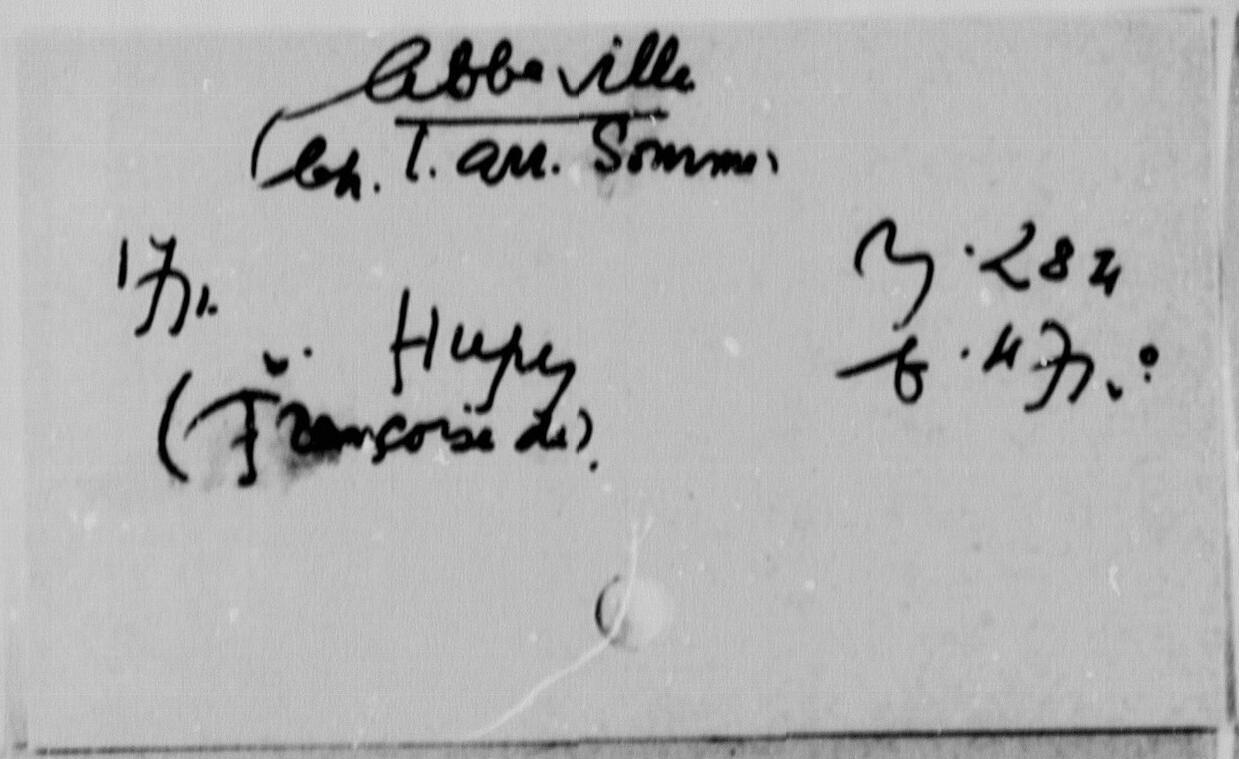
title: ABBEVILLE (chef-lieu d'arrondissement, département de la Somme)
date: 1711
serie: Y
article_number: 284
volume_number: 471v
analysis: Voir HUPY (Françoise de)
